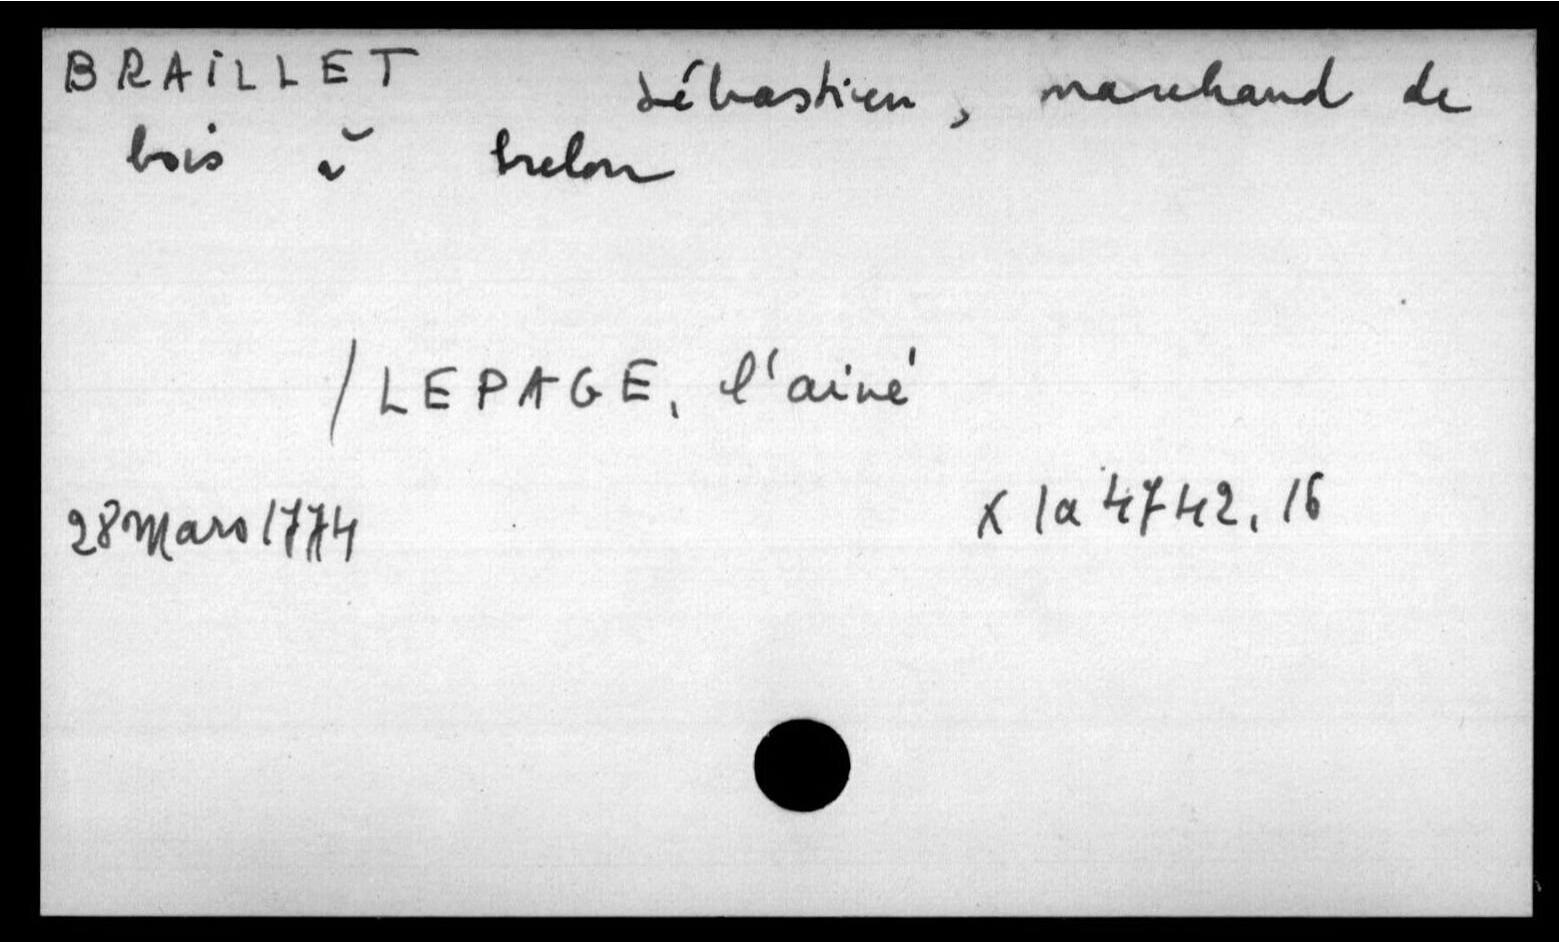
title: BRAILLET Sébastien, marchand de bois à Trelon
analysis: Contre LEPAGE, l'ainé
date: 28 mars 1774
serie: X1a
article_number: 4742
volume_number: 16
